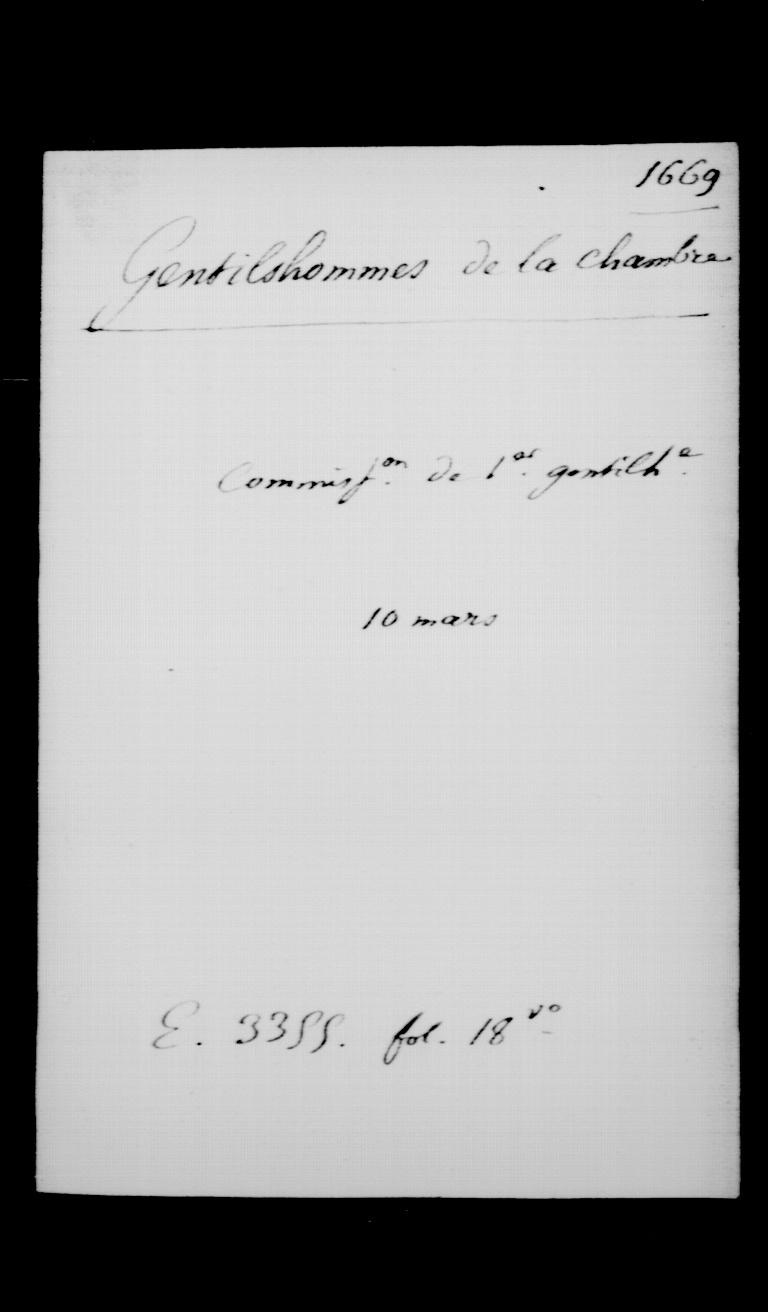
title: Gentilshommes de la chambre
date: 1669
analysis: Commission de 1er gentilhomme 10 mars
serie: E
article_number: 3355
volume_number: fol. 18v
